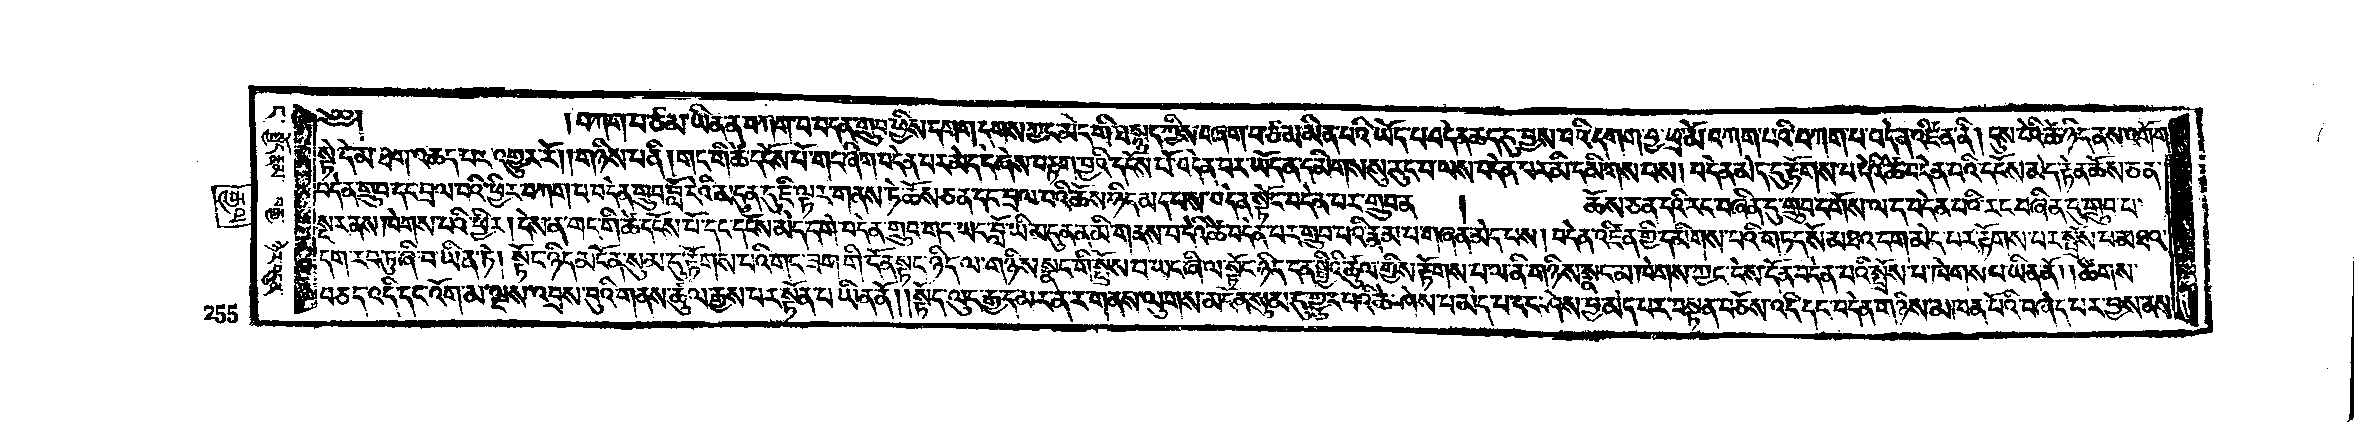༄༅། །བཀག་པ་ཙམ་ཡིན་ན་བཀག་པ་བདེན་གྲུབ་ཕྱིས་དགག་དགས་ཀྱང་མེད་གི་ཐ་སྙད་ཀྱིས་བཞག་པ་ཙམ་མིན་པའི་ཡོད་པ་བདེན་ཆད་དུ་བྱས་པའི་དགག་བྱ་ཕྲ་མོ་བཀག་པའི་བཀག་པ་བདེན་འཛིན་ནི། དུས་ངེའི་ཚེ་ཉིད་ནས་འགོག་
སྟེ་དེ་མ་ཐག་འཆད་པར་འགྱུར་རོ། །གཉིས་པ་ནི། གང་གི་ཚེ་དངོས་པོ་གང་ཞིག་བདེན་པར་མེད་དེ་ཞེས་བརྟག་བྱའི་དངོས་པོ་བདེན་པར་ཡོད་ན་དམིགས་སུ་རུང་བ་ལས་བདེན་པར་མི་དམིགས་པས། བདེན་མེད་དུ་རྟོགས་པ་དེའི་ཚེ་བདེན་པའི་དངོས་མེད་རྟེན་ཆོས་ཅན་
བདེན་གྲུབ་དང་བྲལ་བའི་ཕྱིར་བཀག་པ་བདེན་གྲུབ་བློ་དེའི་མདུན་དུ་ཇི་ལྟར་གནས་ཏེ་ཆོས་ཅན་དང་བྲལ་བའི་ཆོས་ཉིད་མམ་པས་བདེན་སྟོང་བདེན་པར་གྲུབ་ན། ཆོས་ཅན་ངའི་རང་བཞིན་དུ་གྲུབ་དགོས་ལ་ད་བདེན་པའི་རང་བཞིན་དུ་གྲུབ་པ་
སྔར་ནས་ཁེགས་པའི་ཕྱིར། དེས་ན་གང་གི་ཚེ་དངོས་པོ་དང་དངོས་མེད་དགེ་བདེན་གྲུབ་གང་ཡང་བློ་ཡི་མདུན་ན་མི་གནས་པ་དེའི་ཚེ་བདེན་པར་གྲུབ་པའི་རྣམ་པ་གཞན་མེད་པས། བདེན་འཛིན་གྱི་དམིགས་པའི་གཏད་སོ་མཐའ་དག་མེད་པར་རྟོགས་པར་སྤྲོས་པ་མཐའ་
དག་རབ་ཏུ་ཞི་བ་ཡིན་ཏེ། སྟོང་ཉིད་མངོན་སུམ་དུ་རྟོགས་པའི་གང་ཟག་གི་དོན་སྟོང་ཉིད་ལ་གཉིས་སྣང་གི་སྤྲོས་པ་ཡང་ཞི་ལ་སྟོང་ཉིད་དན་སྤྱིའི་ཚུལ་གྱིས་རྟོགས་པས་ལ་ནི་གཉིས་སྣང་མ་ཁེགས་ཀྱང་ངེས་དོན་བདེན་པའི་སྤྲོས་པ་ཁེགས་པ་ཡིན་ནོ། །ཚིགས་
བཅད་འདི་དང་འོག་མ་ལྔས་འབྲས་བུའི་གནས་ཚུལ་རྒྱས་པར་སྟོན་པ་ཡིན་ནོ། །སྟོད་ལུང་རྒྱ་དམར་ན་ར་གནས་ལུགས་མངོན་སུམ་དུ་གྱུར་པའི་ཚེ་ཤེས་པ་མེད་པ་དང་ཤེས་བྱ་མེད་པར་བསྟན་བཅོས་འདི་དང་བདེན་གཉིས་མཁན་པོའི་བཞེད་པར་བྱས་ནས་